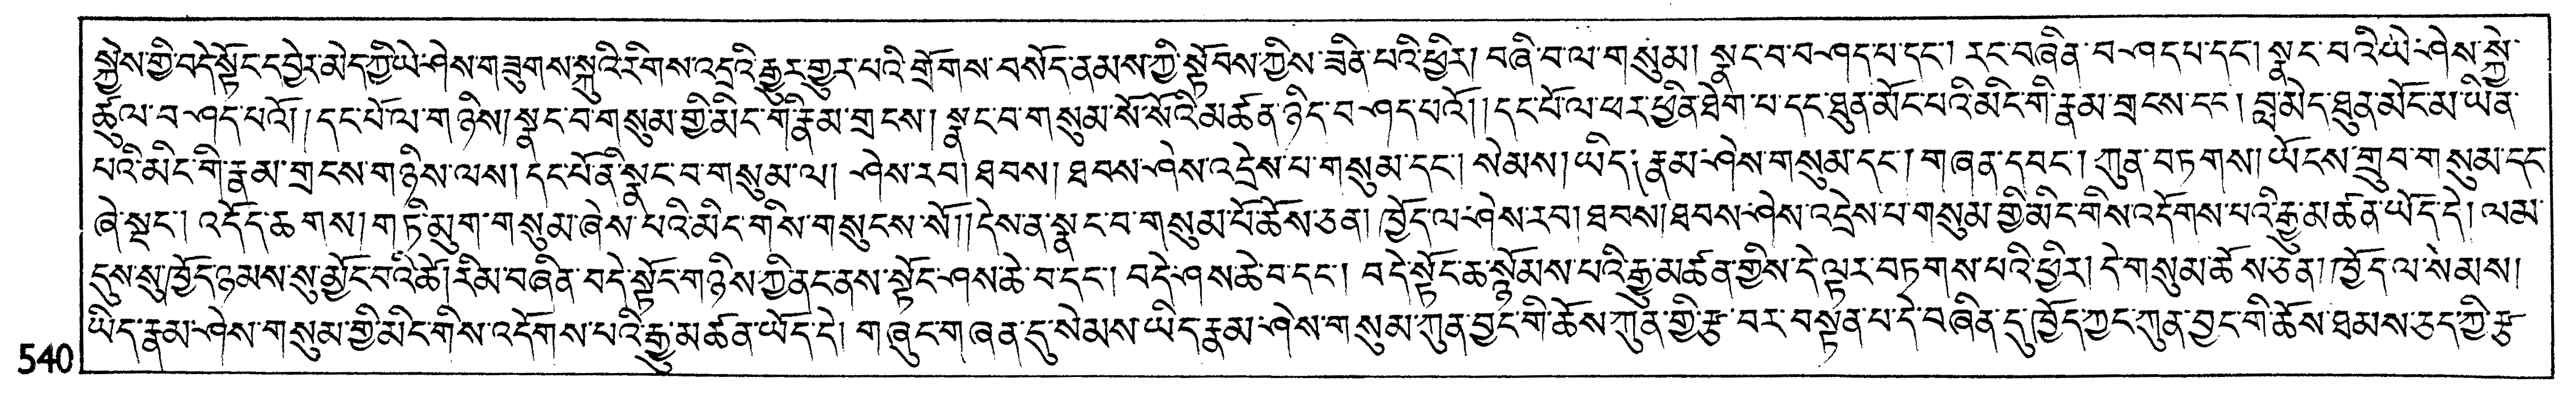སྐྱེས་ཀྱི་བདེ་སྟོང་དབྱེར་མེད་ཀྱི་ཡེ་ཤེས་གཟུགས་སྐུའི་རིགས་འདྲའི་རྒྱུར་གྱུར་པའི་གྲོགས་བསོད་ནམས་ཀྱི་སྟོབས་ཀྱིས་ཟིན་པའི་ཕྱིར། བཞི་པ་ལ་གསུམ། སྣང་བ་བཤད་པ་དང་། རང་བཞིན་བཤད་པ་དང་། སྣང་བའི་ཡེ་ཤེས་སྐྱེ་
ཚུལ་བཤད་པའོ། །དང་པོ་ལ་གཉིས། སྣང་བ་གསུམ་གྱི་མིང་གི་རྣམ་གྲངས། སྣང་བ་གསུམ་སོ་སོའི་མཚན་ཉིད་བཤད་པའོ། །དང་པོ་ལ་ཕར་ཕྱིན་ཐེག་པ་དང་ཐུན་མོང་བའི་མིང་གི་རྣམ་གྲངས་དང་། བླ་མེད་ཐུན་མོང་མ་ཡིན་
པའི་མིང་གི་རྣམ་གྲངས་གཉིས་ལས། དང་པོ་ནི་སྣང་བ་གསུམ་ལ། ཤེས་རབ། ཐབས། ཐབས་ཤེས་འདྲེས་པ་གསུམ་དང་། སེམས། ཡིད༑ རྣམ་ཤེས་གསུམ་དང་། གཞན་དབང་། ཀུན་བཏགས། ཡོངས་གྲུབ་གསུམ་དང་
ཞེ་སྡང་། འདོད་ཆགས། གཏི་མུག་གསུམ་ཞེས་པའི་མིང་གིས་གསུངས་སོ། །དེས་ན་སྣང་བ་གསུམ་པོ་ཆོས་ཅན། ཁྱོད་ལ་ཤེས་རབ། ཐབས། ཐབས་ཤེས་འདྲེས་པ་གསུམ་གྱི་མིང་གིས་འདོགས་པའི་རྒྱུ་མཚན་ཡོད་དེ། ལམ་
དུས་སུ་ཁྱོད་ཉམས་སུ་མྱོང་བའི་ཚེ། རིམ་བཞིན་བདེ་སྟོང་གཉིས་ཀྱི་ནང་ནས་སྟོང་ཤས་ཆེ་བ་དང་། བདེ་ཤས་ཆེ་བ་དང་། བདེ་སྟོང་ཆ་སྙོམས་པའི་རྒྱུ་མཚན་གྱིས་དེ་ལྟར་བཏགས་པའི་ཕྱིར། དེ་གསུམ་ཆོས་ཅན། ཁྱོད་ལ་སེམས།
ཡིད་རྣམ་ཤེས་གསུམ་གྱི་མིང་གིས་འདོགས་པའི་རྒྱུ་མཚན་ཡོད་དེ། གཞུང་གཞན་དུ་སེམས་ཡིད་རྣམ་ཤེས་གསུམ་ཀུན་བྱང་གི་ཆོས་ཀུན་གྱི་རྩ་བར་བསྟན་པ་དེ་བཞིན་དུ་ཁྱོད་ཀྱང་ཀུན་བྱང་གི་ཆོས་ཐམས་ཅད་ཀྱི་རྩ་